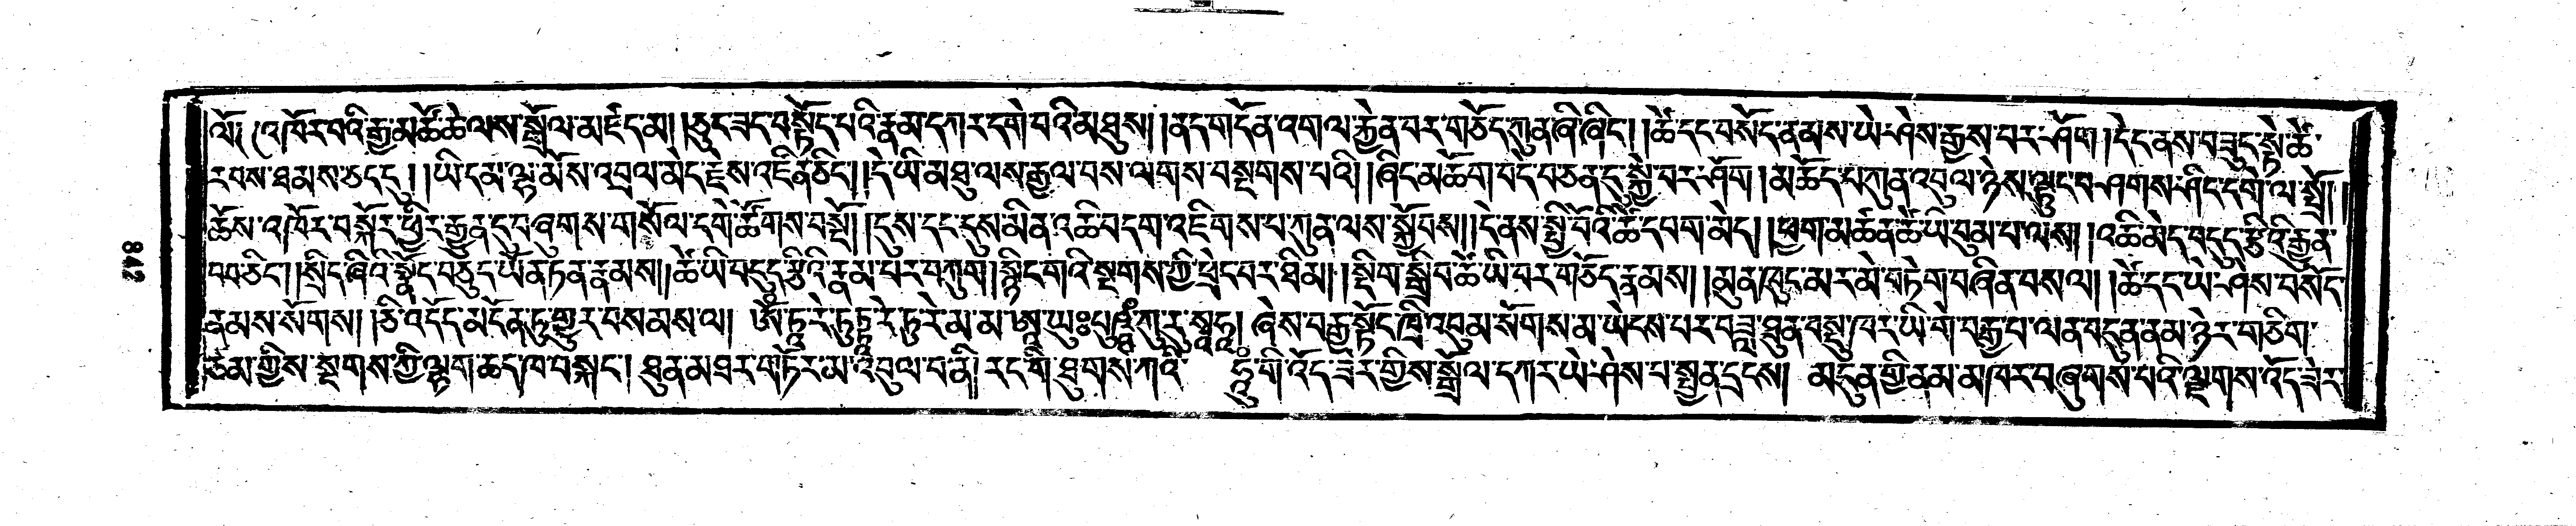ལོ། །འཁོར་བའི་རྒྱ་མཚོ་ཆེ་ལས་སྒྲོལ་མཛད་མ། །ཅུང་ཟད་བསྟོད་པའི་རྣམ་དཀར་དགེ་བའི་མཐུས། །ནད་གདོན་འགལ་རྐྱེན་བར་གཅོད་ཀུན་ཞི་ཞིང་། །ཚེ་དང་བསོད་ནམས་ཡེ་ཤེས་རྒྱས་པར་ཤོག །དེང་ནས་བཟུང་སྟེ་ཚེ་
རབས་ཐམས་ཅད་དུ། །ཡི་དམ་ལྷ་མོས་འབྲལ་མེད་རྗེས་འཛིན་ཅིང་། །དེ་ཡི་མཐུ་ལས་རྒྱལ་བས་ལེགས་བསྔགས་པའི། །ཞིང་མཆོག་བདེ་བ་ཅན་དུ་སྐྱེ་བར་ཤོག །མཆོད་པ་ཀུན་འབུལ་ཉེས་ལྟུང་བཤགས་ཤིང་དགེ་ལ་སྤྲོ། །
ཆོས་འཁོར་བསྐོར་ཕྱིར་རྒྱན་དུ་བཞུགས་གསོལ་དགེ་ཚོགས་བསྔོ། །དུས་དང་དུས་མིན་འཆི་བདག་འཇིགས་པ་ཀུན་ལས་སྐྱོབས། །དེ་ནས་སྤྱི་བོའི་ཚེ་དཔག་མེད། །ཕྱག་མཚན་ཚེ་ཡི་བུམ་པ་ལས། །འཆི་མེད་བདུད་རྩིའི་རྒྱུན་
བབ་ཅིང་། །སྲིད་ཞིའི་སྣོད་བཅུད་ཡོན་ཏན་རྣམས། །ཚེ་ཡི་བདུད་རྩིའི་རྣམ་པར་བཀུག །སྙིང་གའི་སྔགས་ཀྱི་ཕྲེང་བར་ཐིམ། །སྡིག་སྒྲིབ་ཚེ་ཡི་བར་གཅོད་རྣམས། །མུན་ཁུང་མར་མེ་བཏེག་བཞིན་བསལ། །ཚེ་དང་ཡེ་ཤེས་བསོད་
ནམས་སོགས། །ཅི་འདོད་མངོན་ཏུ་གྱུར་བསམས་ལ། ཨོཾ་ཏཱ་རེ་ཏུཏྟཱ་རེ་ཏུ་རེ་མ་མ་ཨཱ་ཡུཿ པུཥྚིཾ་ཀུ་རུ་སྭཱཧཱ། ཞེས་བརྒྱ་སྟོང་ཁྲི་འབུམ་སོགས་མ་ཡེངས་པར་བཟླ་ཐུན་བསྡུ་ཁར་ཡི་གེ་བརྒྱ་པ་ལན་བདུན་ནམ་ཉེར་གཅིག་
ཙམ་གྱིས་སྔགས་ཀྱི་ལྷག་ཆད་ཁ་བསྐང་། ཐུན་མཐར་གཏོར་མ་འབུལ་བ་ནི། རང་གི་ཐུགས་ཀའི་ཧཱུཾ་གི་འོད་ཟེར་གྱིས་སྒྲོལ་དཀར་ཡེ་ཤེས་པ་སྤྱན་དྲངས། མདུན་གྱི་ནམ་མཁར་བཞུགས་པའི་ལྗགས་འོད་ཟེར་